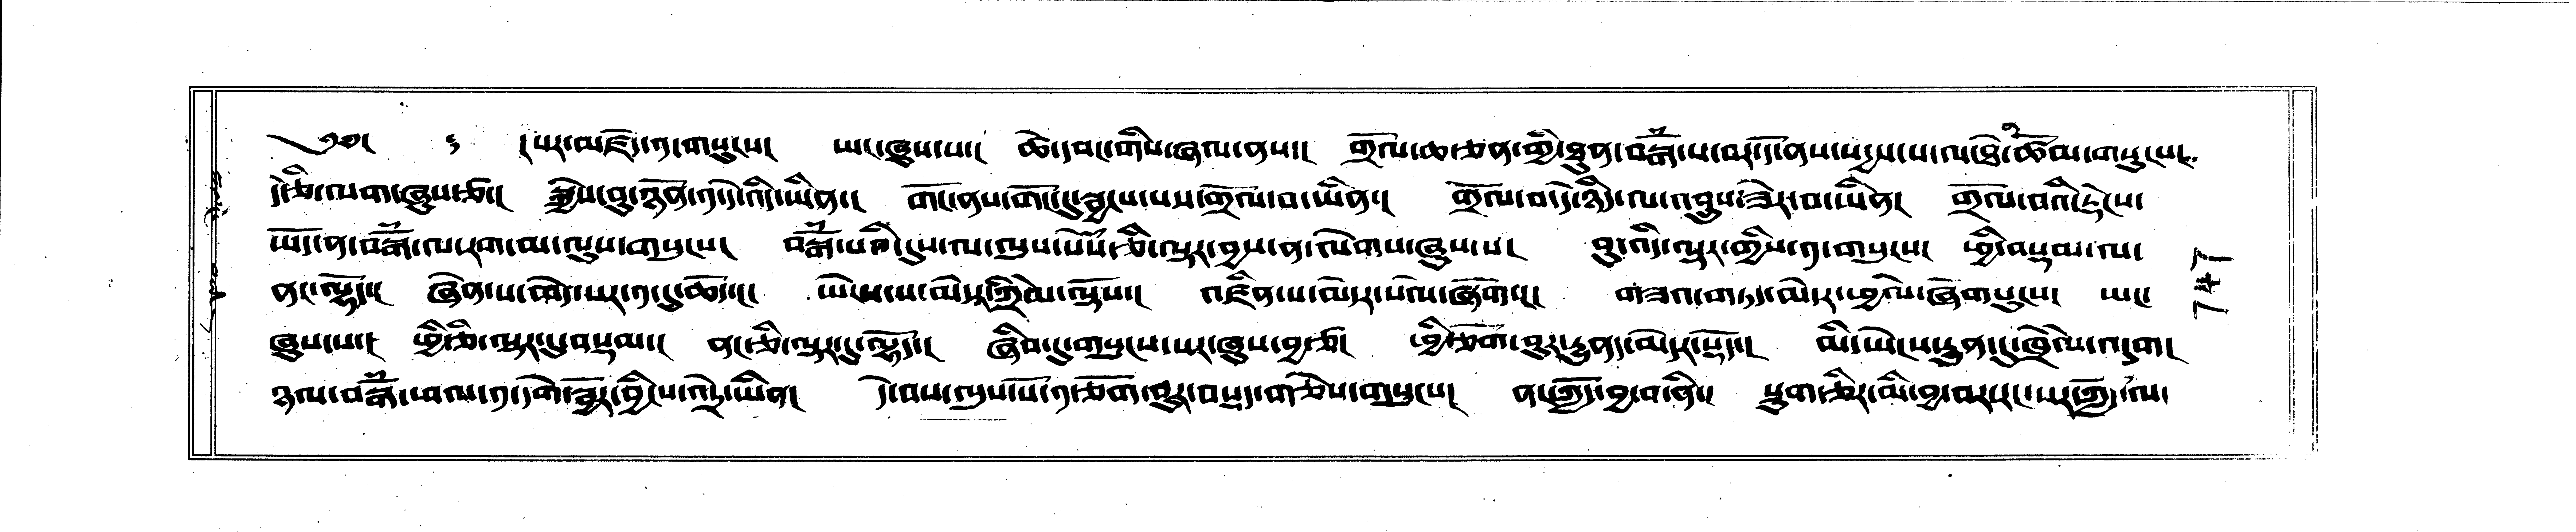པར་མཛོད་ཅིག་གསུངས། ཡང་ཞུས་པ། ཚེ་དབང་གི་ཞལ་ནས། གྲོལ་ཆ་ཅན་གྱི་ཐུན་སྒོམ་པ་བར་དོ་ནས་སངས་རྒྱས་པ་ལ་ཐེ་མི་ཚོམ་གསུངས། 
དེ་ཅི་ལགས་ཞུས་ཙ། སྐྱེས་བུ་ཉོན་ཅིག་དེ་འདི་ཡིན། གོང་ནས་གོང་དུ་སྦྱངས་པས་གྲོལ་བ་ཡིན། གྲོལ་བ་དེ་ཉིད་ལ་འབྲས་བུ་ཟེར་བ་ཡིན། གྲོལ་བའི་རྡེང་
ཡོད་ན་སྒོམ་ལ་རག་མ་ལུས་གསུངས། སྒོམ་པའི་དུས་ལ་ལུས་སེམས་ཅི་ལྟར་བྱས་ན་ལེགས་ཞུས་པ། བུ་འདི་ལྟར་གྱིས་ཅིག་གསུངས། ཕྱི་སྡོམས་ལ་
ནང་ལྷོད། ཞེན་པ་མེད་པར་གཅིག་ཏུ་ཆོད། ཡེངས་པ་མེད་པར་ཀྲི་ལེར་ལྟོས། འཛིན་པ་མེད་པར་སལེ་ཞོག གཟའ་གཏད་མེད་པར་ཕྱལ་ལེ་ཞོག་གསུངས། ཡང་
ཞུས་པ། ཕྱི་ཅི་ལྟར་དུ་བསྡམ། ནང་ཅི་ལྟར་དུ་ལྷོད། ཞིབ་དུ་གསུང་བར་ཞུ་བྱ་༼བྱས༽ཙ། ཕྱི་ཅོག་བུར་རྒྱུན་ཆད་མེད་པ་སྡོད། མི་ཡེངས་རྒྱུན་དུ་ཁྲོལ་ལེར་འདུག 
ཉལ་སྒོམ་ཕལ་ཞིག་དགེ་སྦྱོར་བྱིང་འདྲེ་ཡིན། དེ་བས་ལུས་པོ་གཅིག་ཅོག་བུར་བསྡད་གཅེས་གསུངས། ནང་ཀློད་བྱ་བ་ནི། སྡུག་ཅིག་མི་བྱ་བར་རང་སར་ཀློད་ལ་